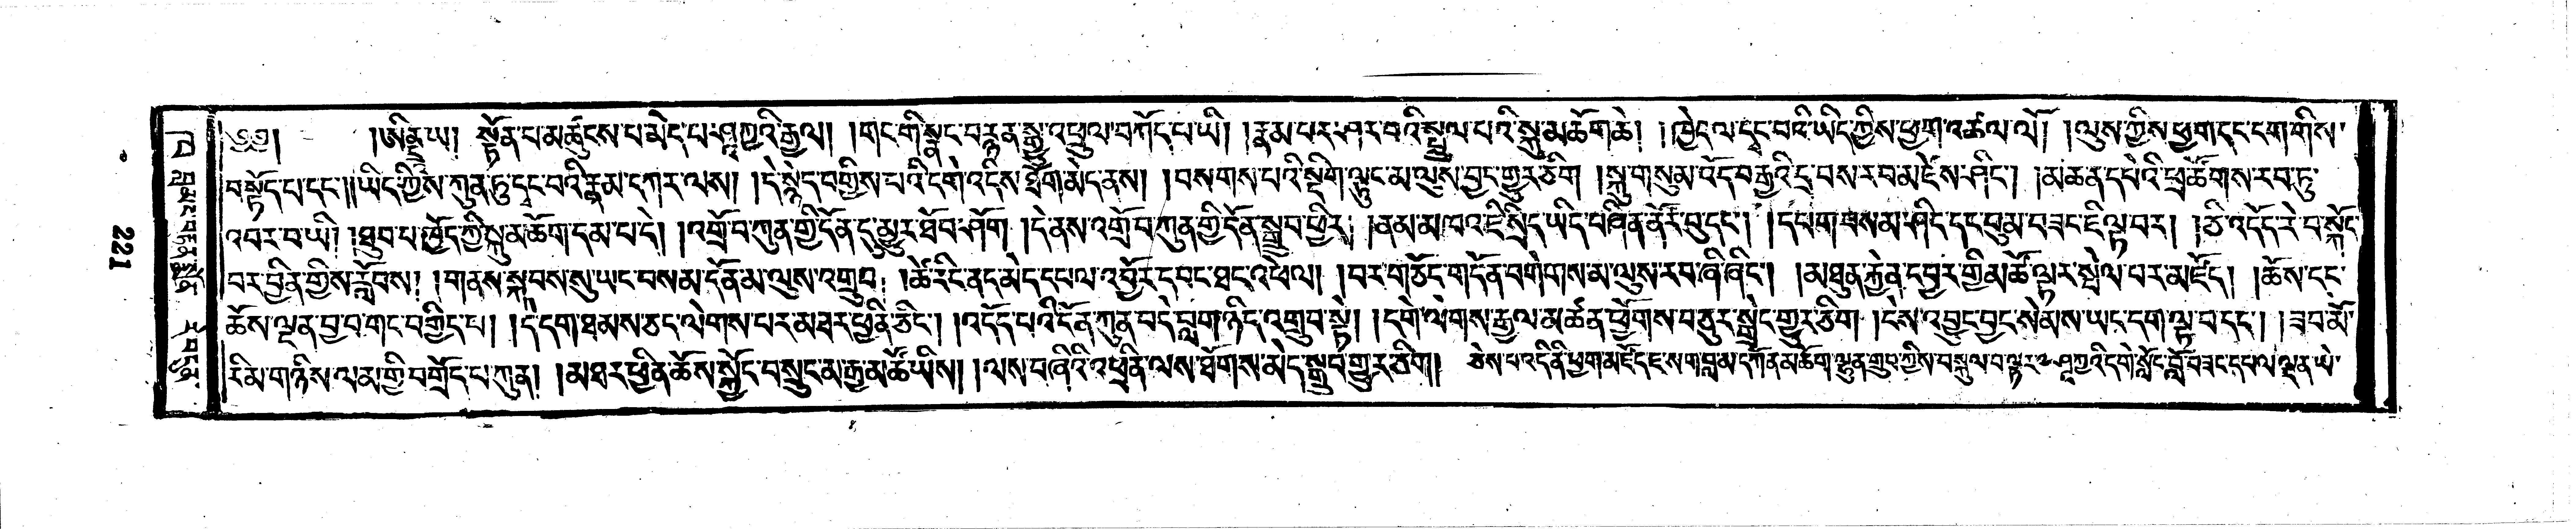༄༅། །ཨིནྡྲའ་ཡ། སྟོན་པ་མཚུངས་པ་མེད་པ་ཤཱཀྱའི་རྒྱལ། །གང་གི་སྣང་བརྙན་སྒྱུ་འཕྲུལ་བཀོད་པ་ཡི། །རྣམ་པར་ཤར་བའི་སྤྲུལ་པའི་སྐུ་མཆོག་ཆེ། །ཁྱེད་ལ་དྭང་བའི་ཡིད་ཀྱིས་ཕྱག་འཚལ་ལོ། །ལུས་ཀྱིས་ཕྱག་དང་ངག་གིས་
བསྟོད་པ་དང་། །ཡིད་ཀྱིས་ཀུན་ཏུ་དྭང་བའི་རྣམ་དཀར་ལས། །དེ་སྙེད་བགྱིས་པའི་དགེ་འདིས་ཐོག་མེད་ནས། །བསགས་པའི་སྡིག་ལྟུང་མ་ལུས་བྱང་གྱུར་ཅིག །སྐུ་གསུམ་འོད་བརྒྱའི་དྲ་བས་རབ་མཛེས་ཤིང་། །མཆན་དཔེའི་ཕྲ་ཚོགས་རབ་ཏུ་
འབར་བ་ཡི། །ཐུབ་པ་ཁྱོད་ཀྱི་སྐུ་མཆོག་དམ་པ་དེ། །འགྲོ་བ་ཀུན་གྱི་དོན་དུ་མྱུར་ཐོབ་ཤོག །དེ་ནས་འགྲོ་བ་ཀུན་གྱི་དོན་སྒྲུབ་ཕྱིར། །ནམ་མཁའ་ཇི་སྲིད་ཡིད་བཞིན་ནོར་བུ་དང་། །དཔག་བསམ་ཤིང་དང་བུམ་བཟང་ཇི་ལྟ་བར། །ཅི་འདོད་རེ་བ་སྐོང་
བར་བྱིན་གྱིས་རློབས། །གནས་སྐབས་སུ་ཡང་བསམ་དོན་མ་ལུས་འགྲུབ། །ཚེ་རིང་ནད་མེད་དཔལ་འབྱོར་དབང་ཐང་འཕེལ། །བར་གཅོང་གདོན་བགེགས་མ་ལུས་རབ་ཞི་ཞིང་། །མཐུན་རྐྱེན་དབྱར་གྱི་མཚོ་ལྟར་སྤེལ་བར་མཛོད། །ཆོས་དང་
ཆོས་ལྡན་བྱ་བ་གང་བགྱིད་པ། །དེ་དག་ཐམས་ཅད་ལེགས་པར་མཐར་ཕྱིན་ཅིང་། །འདོད་པའི་དོན་ཀུན་བདེ་བླག་ཉིད་འགྲུབ་སྟེ། །དགེ་ལེགས་རྒྱལ་མཚན་ཕྱོགས་བཅུར་སྒྲེང་གྱུར་ཅིག །ངེས་འབྱུང་བྱང་སེམས་ཡང་དག་ལྟ་བ་དང་། །ཟབ་མོ་
རིམ་གཉིས་ལམ་གྱི་བགྲོད་པ་ཀུན། །མཐར་ཕྱིན་ཆོས་སྐྱོང་བསྲུང་མ་རྒྱ་མཚོ་ཡིས། །ལས་བཞིའི་འཕྲིན་ལས་ཐོགས་མེད་སྒྲུབ་གྱུར་ཅིག། ཅེས་པ་འདི་ནི་ཕྱག་མཛོད་ཇ་སག་བླ་མ་དཀོན་མཆོག་ལྷུན་གྲུབ་ཀྱིས་བསྐུལ་བ་ལྟར་༧་ཤཱཀྱའི་དགེ་སློང་བློ་བཟང་དཔལ་ལྡན་ཡེ་